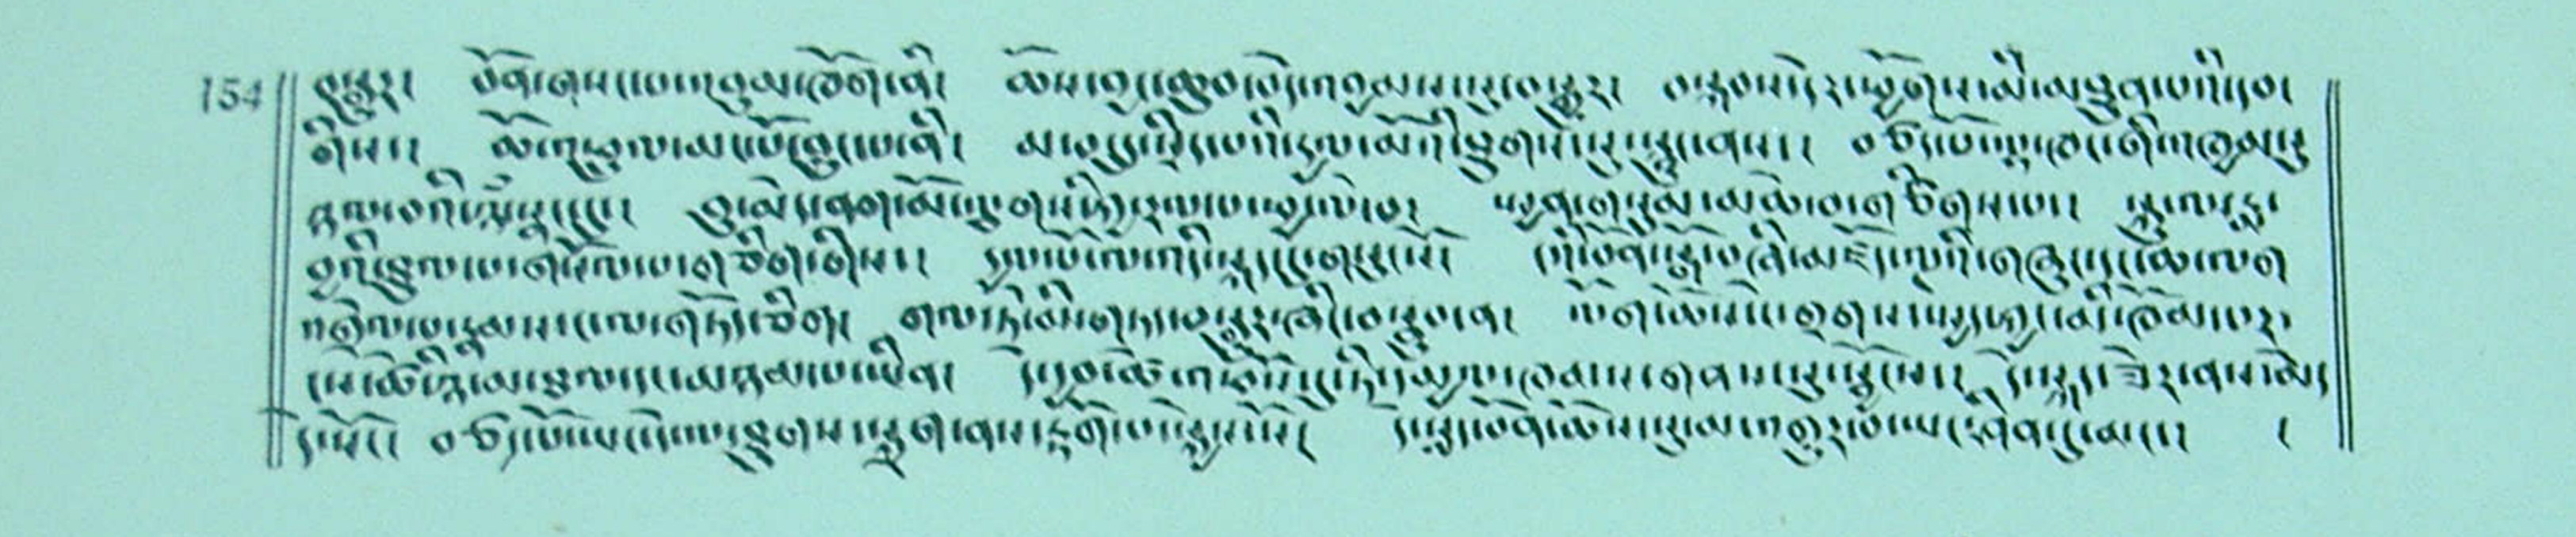བསྒྱུར། བོན་གསང་བ་འབུམ་ཁོག་ནི། ཆོས་བྱང་ཆུབ་བདེ་འབྱམས་སུ་བསྒྱུར། སྐབས་དེར་ཕྱོགས་མི་མཐུན་པའི་དབང་
གིས། ཆོ་འཕྲུལ་མང་བོ་བྱུང་བ་ནི། མ་བདུད་སྲིད་པའི་རྒྱལ་མོའི་ཐུགས་སུ་སྙུང་ནས། བཙད་པོ་ལྷ་ཁང་གི་འཁྱམས་སུ་
ཉལ་བའི་ཉམས་སྣང་དུ། བུད་མེད་ནག་མོ་ལྕགས་ཀྱི་རལ་བ་ཕྱ་ལེ་བ། སྤྱན་གསུམ་མཆེ་བ་གཙིགས་པ། སྐུ་ལ་རྨ་
བྱའི་ཐུལ་བ་གསོལ་བ་གཅིག་གིས། རྒྱལ་བོ་ལ་འདི་སྐད་དུ་གསུངས་སོ། །ངའི་བོན་སྒོ་བཞི་མཛོད་ལྔའི་གཞུང་དང་ཆ་ལག་
འགྲེལ་བ་རྣམས་ང་ལ་གཏོད་ཅིག གལ་ཏེ་མི་གཏད་བསྒྱུར་ཞིང་བསྣུབ་ན། ལོག་ཆོས་དེ་བསྒྲགས་སྤྱད་ཀྱང་མི་ཁོམ་པར། 
ངས་ཚེ་ཉི་མ་ཐལ་དང་མཉམ་པ་ཡིན། དེ་རྒྱབ་ཚེ་འཕོས་དུ་ཏི་དམྱལ་ཁམས་གནས་སུ་སྦྱོངས། དེ་སྐད་ཟེར་ནས་མེད་
དེ་སོང་། བཙད་པོ་ཡང་དེ་ལ་ཐུགས་སྐྲག་ནས་རྟོག་པ་སྐྱེས་སོ། །དེ་སླད་བོན་ཆོས་སུ་མ་བསྒྱུར་བ་ཡང་ཤིན་ཏུ་མང་།